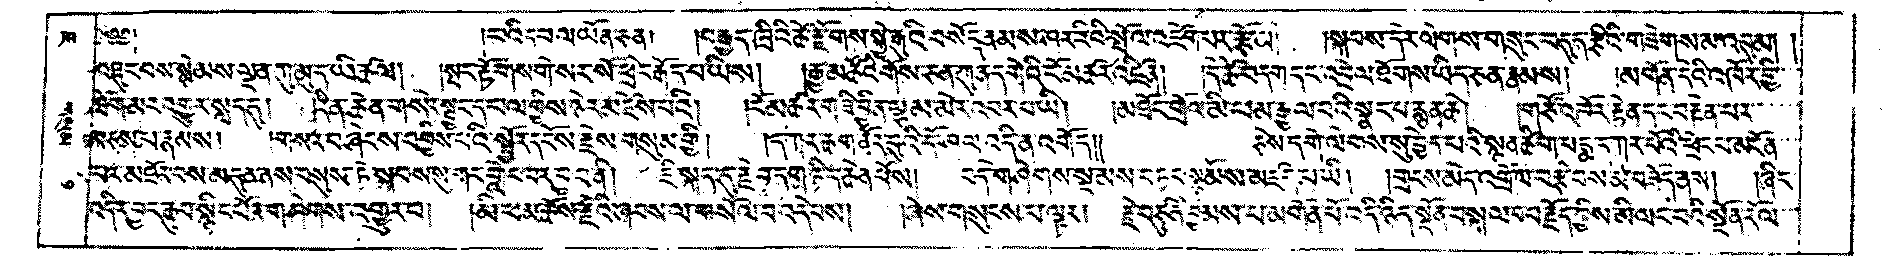༄༅། །པའི་དཔལ་ཡོན་ཅན། །བརྒྱད་ཁྲིའི་ཚེ་རྫོགས་སྐྱེ་རྒུའི་བསོད་ནམས་ཤར་རིའི་སྤོ་ལ་འཛེག་པར་རྩོམ། །སྐབས་དེར་ལེགས་གསུང་བདུད་རྩིའི་གཟེགས་མ་འབུམ། །
འཐུང་བས་སྙེམས་ལྡན་ཀུ་མུ་ད་ཡི་ཚལ། །སྤང་རྟོགས་གེ་སར་སོ་ཕྲེང་རྒོད་པ་ཡིས། །རྒྱ་མཚོའི་གོས་ཅན་ཀུན་དགེའི་ངོ་མཚར་འཛིན། །དེ་ཚེ་བདག་དང་འབྲེལ་ཐོགས་ཡིད་ཅན་རྣམས། །མགོན་དེའི་འཁོར་གྱི་
ཐོག་མར་འགྱུར་སླད་དུ། །རིན་ཆེན་གསེར་སྦྱང་དཔལ་གྱིས་ཉེར་མཛེས་པའི། །ངོ་མཚར་གཟི་བྱིན་ལྷམ་མེར་འབར་བ་ཡི། །མཐོང་གྲོལ་མི་ཕམ་རྒྱལ་བའི་སྣང་བརྙན་ཆེ། །གཙོ་འཁོར་རྟེན་དང་བརྟེན་པར་
བཅས་པ་རྣམས། །གསར་བཞེངས་བགྱིས་པའི་སྦྱོར་དངོས་རྗེས་གསུམ་གྱི། །དཀར་ཆག་ནོར་བུའི་དོ་ཤལ་འདི་ན་འགོད།། ཅེས་དགེ་ལེགས་སུ་བྱེད་པའི་སྙན་ཚིག་པདམ་དཀར་པོའི་ཕྲེང་པ་མངོན་
པར་མཐོར་བས་མདུན་ནས་བསུས་ཏེ་སྐབས་སུ་གང་གླེང་བར་བྱ་བ་ནི། ཇི་སྐད་དུ་རྗེ་བདག་ཉིད་ཆེན་པོས། བདེ་གཤེགས་སྔ་མས་བཏང་སྙོམས་མཛད་པ་ཡི། །གྲངས་མེད་འགྲོ་ལ་བརྩེ་བས་མ་བཟོད་ནས། །ཞིང་
འདིར་བྱང་ཆུབ་སྙིང་པོར་གཤེགས་འགྱུར་བ། །མི་ཕམ་ཆོས་རྗེའི་ཞབས་ལ་གསོལ་བ་འདེབས། །ཞེས་གསུངས་པ་ལྟར། རྗེ་བཙུན་བྱམས་པ་མགོན་པོ་འདི་ཉིད་སྔོན་བསྐལ་བ་བརྗོད་ཀྱིས་མི་ལང་བའི་སྔོན་རོལ་